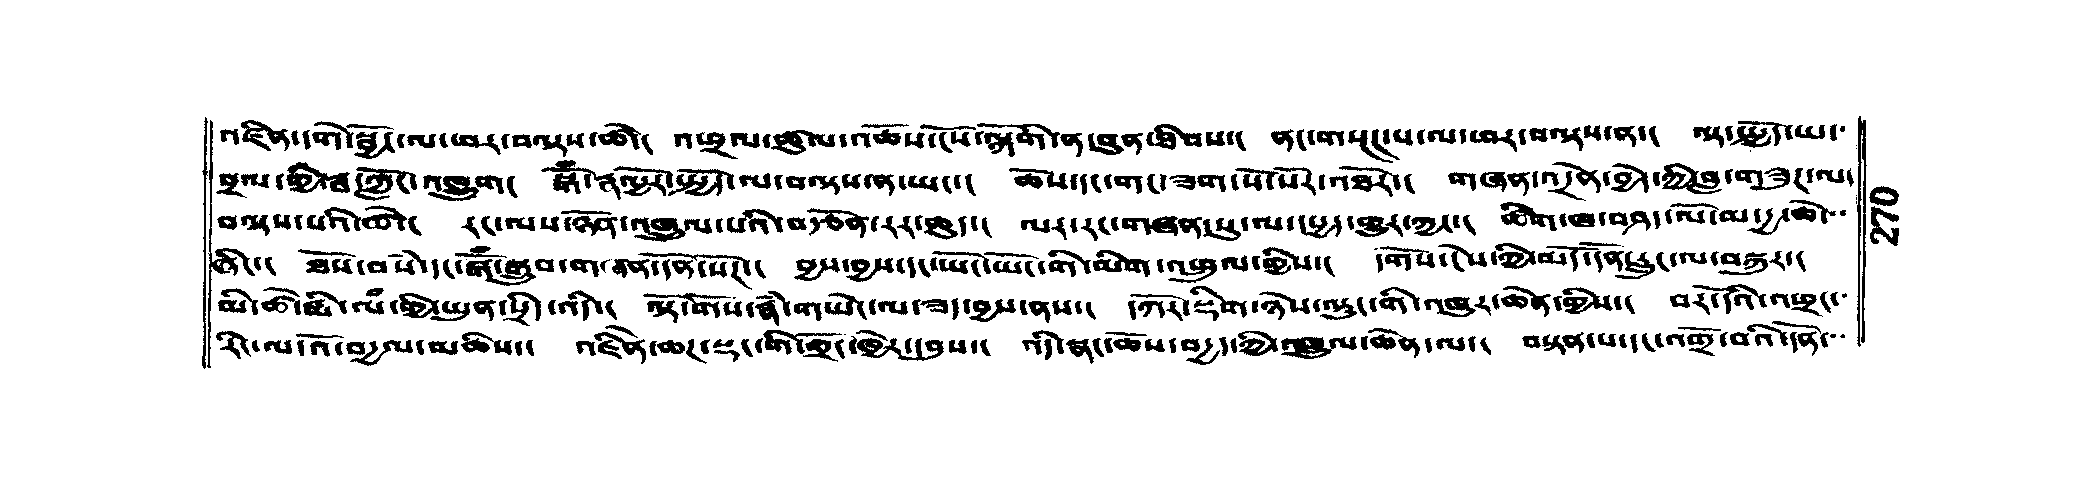འཛིན་དགེ་སྦྱོང་ལ་ཕར་བལྟས་ཚེ། །འཕྲལ་ཚུལ་འཆོས་ངོས་ལྐོག་གི་ན་བུན་ཐིབས། །ནང་གསང་སྔགས་པ་ལ་ཕར་བལྟས་ན། །ལྟ་སྤྱོད་ཡ་
བྲལ་གྱི་རྦ་ཀློང་འཁྲུག །སྒོམ་རྣལ་འབྱོར་སྤྱོད་ལ་བལྟས་ན་ཡང་། །ཆོས་དང་གང་ཟག་སོ་སོར་འཐོར། །གཞན་འདྲེན་བྱེད་ཀྱི་བླ་གཟུགས་ལ་
བལྟས་པའི་ཚེ། །རང་ལས་ཉོན་འཁྲུལ་པའི་བརྩོན་རར་ཆུད། །ལར་རང་གཞན་སུ་ལ་དཔྱད་གྱུར་ཀྱང་། །ཚིག་ཁ་བཤད་ལོ་མ་རྒྱ་ཆེ་
ཞིང་། །ཐོས་བསམ་དང་སྒོམ་སྒྲུབ་གཞན་དོན་སོགས། །བྱས་བྱས་དང་ཡོང་ཡོང་གི་མིག་འཕྲུལ་གྱིས། །དགོས་ངེས་ཀྱི་མདོ་དོན་རླུང་ལ་བསྐུར། །
མི་ཚེ་རྨི་ལམ་གྱི་ཡུན་སྲིད་འདི། །ལྟོ་གོས་རྣམ་གཡེང་ལ་ཟད་བྱས་ནས། །དཀོར་སྡིག་ཉེས་ལྟུང་གི་འཁུར་ཆེན་གྱིས། །བར་དོའི་འཕྲང་
རིང་ལ་འོ་བརྒྱལ་མཆིས། །འཇིག་རྟེན་ཆགས་སྡང་གི་གྲོང་ཁྱེར་དབུས། །འདི་སྣང་ཆོས་བརྒྱད་ཀྱི་འཁྲུལ་ཆེན་ལ། །བསྟན་པ་དང་འགྲོ་བའི་དོན་